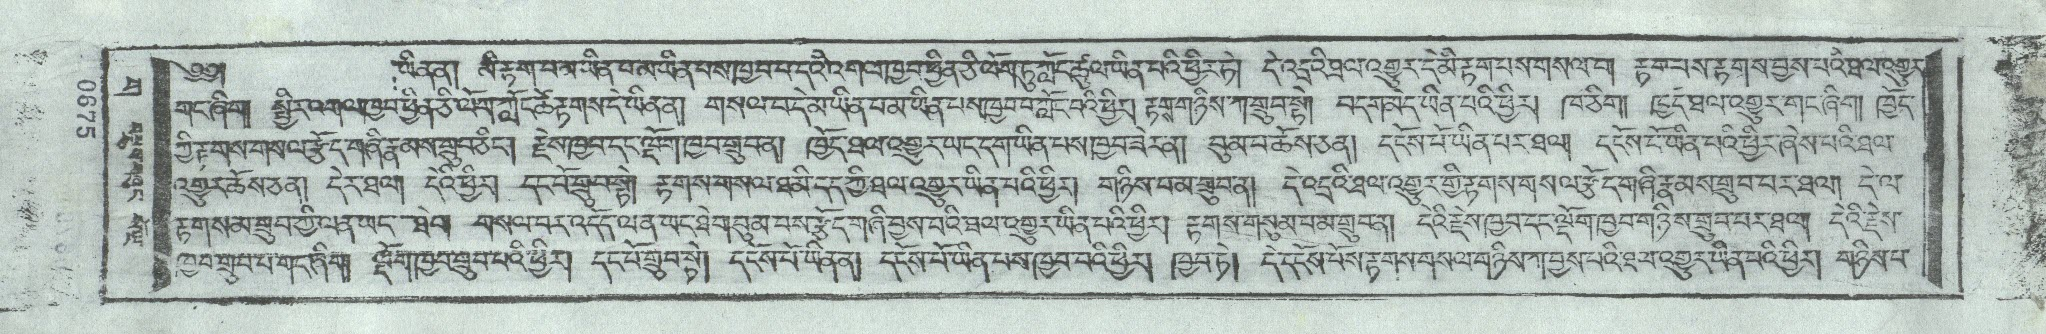༄༅། །ཡིན་ན། མི་རྟག་པ་མ་ཡིན་པ་མ་ཡིན་པས་ཁྱབ་པ་དེའི་འགལ་ཁྱབ་ཕྱིན་ཅི་ལོག་ཏུ་ཀློང་ཚུལ་ཡིན་པའི་ཕྱིར་ཏེ། དེ་འདྲའི་ཐལ་འགྱུར་དེ་མི་རྟག་པས་གསལ་བ། རྟག་པས་རྟགས་བྱས་པའི་ཐལ་འགྱུར་
གང་ཞིག། སྤྱིར་འགལ་ཁྱབ་ཕྱིན་ཅི་ལོག་ཀློང་ཚེ་རྟགས་དེ་ཡིན་ན། གསལ་བ་དེ་མ་ཡིན་པ་མ་ཡིན་པས་ཁྱབ་པ་ཀློང་བའི་ཕྱིར། རྟགས་གཉིས་ཀ་གྲུབ་སྟེ། བདག་མེད་ཡིན་པའི་ཕྱིར། ཁ་ཅིག། ཁྱོད་ཐལ་འགྱུར་གང་ཞིག། ཁྱོད་
ཀྱི་རྟགས་གསལ་རྩོད་གཞི་རྣམས་གྲུབ་ཅིང་། རྗེས་ཁྱབ་དང་ལྡོག་ཁྱབ་གྲུབ་ན། ཁྱོད་ཐལ་འགྱུར་ཡང་དག་ཡིན་པས་ཁྱབ་ཟེར་ན། བུམ་པ་ཆོས་ཅན། དངོས་པོ་ཡིན་པར་ཐལ། དངོས་པོ་ཡིན་པའི་ཕྱིར་ཞེས་པའི་ཐལ་
འགྱུར་ཆོས་ཅན། དེར་ཐལ། དེའི་ཕྱིར། དང་པོ་གྲུབ་སྟེ། རྟགས་གསལ་ཐ་མི་དད་ཀྱི་ཐལ་འགྱུར་ཡིན་པའི་ཕྱིར། གཉིས་པ་མ་གྲུབ་ན། དེ་འདྲའི་ཐལ་འགྱུར་གྱི་རྟགས་གསལ་རྩོད་གཞི་རྣམས་གྲུབ་པར་ཐལ། དེ་ལ་
རྟགས་མ་གྲུབ་ཀྱི་ལན་ཡང་ཐེབ། གསལ་བར་འདོད་ལན་ཡང་ཐེག་བུམ་པས་རྩོད་གཞི་བྱས་པའི་ཐལ་འགྱུར་ཡིན་པའི་ཕྱིར། རྟགས་གསུམ་པ་མ་གྲུབ་ན། དེའི་རྗེས་ཁྱབ་དང་ལྡོག་ཁྱབ་གཉིས་གྲུབ་པར་ཐལ། དེའི་རྗེས་
ཁྱབ་གྲུབ་པ་གང་ཞིག། ལྡོག་ཁྱབ་གྲུབ་པའི་ཕྱིར། དང་པོ་གྲུབ་སྟེ། དངོས་པོ་ཡིན་ན། དངོས་པོ་ཡིན་པས་ཁྱབ་པའི་ཕྱིར། ཁྱབ་ཏེ། དེ་དངོས་པོས་རྟགས་གསལ་གཉིས་ཀ་བྱས་པའི་ཐལ་འགྱུར་ཡིན་པའི་ཕྱིར། གཉིས་པ་